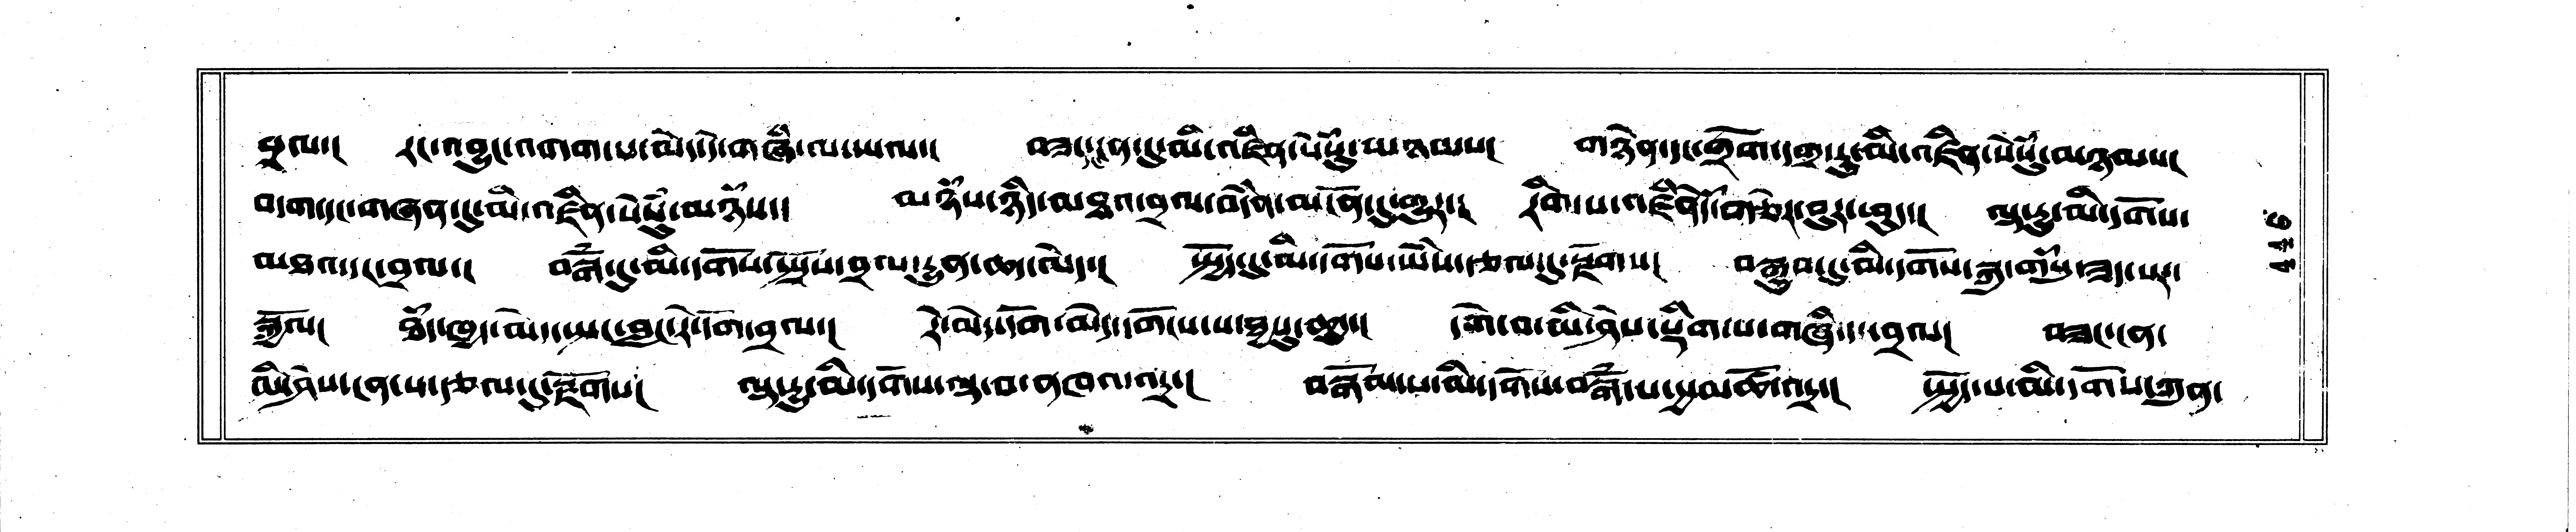བྲལ། རང་འབྱུང་འགག་པ་མེད་དེ་གཞི་ལས་ཡལ། བཟང་དང་ངན་དུ་མི་འཛིན་སེམས་སུ་མཉམ། གཉེན་དང་དགྲ་རུ་མི་འཛིན་སེམས་སུ་མཉམ། 
བདག་དང་གཞན་དུ་མི་འཛིན་སེམས་སུ་མཉམ། གཉིད་”མཉམ་ཉིད”མཐའ་བྲལ་བ་བདེ་ཆེན་མངོན་དུ་གྱུར། རིག་པ་འཛིན་མེད་གཅེར་བུར་ཕུད། ལྟ་རུ་མི་དགོས་
ལྟ་བ་མཐའ་དང་བྲལ། སྒོམ་དུ་མི་དགོས་སྤྲོས་བྲལ་རྒྱུན་ཆད་མེད། སྤྱོད་དུ་མི་དགོས་ཡེ་ཤེས་རྩལ་དུ་རྫོགས། བསྒྲུབ་དུ་མི་དགོས་སྐུ་གསུམ་ཟད་སར་
སྐྱོལ། ཐམས་ཅད་ཁྱད་‘‘སྤང་བླང”མེད་རེ་དོག་བྲལ། རེ་མེད་དོག་མེད་དགོངས་པ་ཐུགས་སུ་ཆུད། དགེ་བ་མི་ཤེས་སྡིག་པ་གཞི་དང་བྲལ། བཟང་པོ་མི་ཤེས་ངན་
པ་རྩལ་དུ་རྫོགས། ལྟ་རུ་མི་དགོས་ལྟ་བ་ནམ་མཁའ་འདྲ། སྒོམ་དུ་མི་དགོས་སྒོམ་པ་རྒྱ་མཚོ་འདྲ། སྤྱོད་དུ་མི་དགོས་ཀུན་